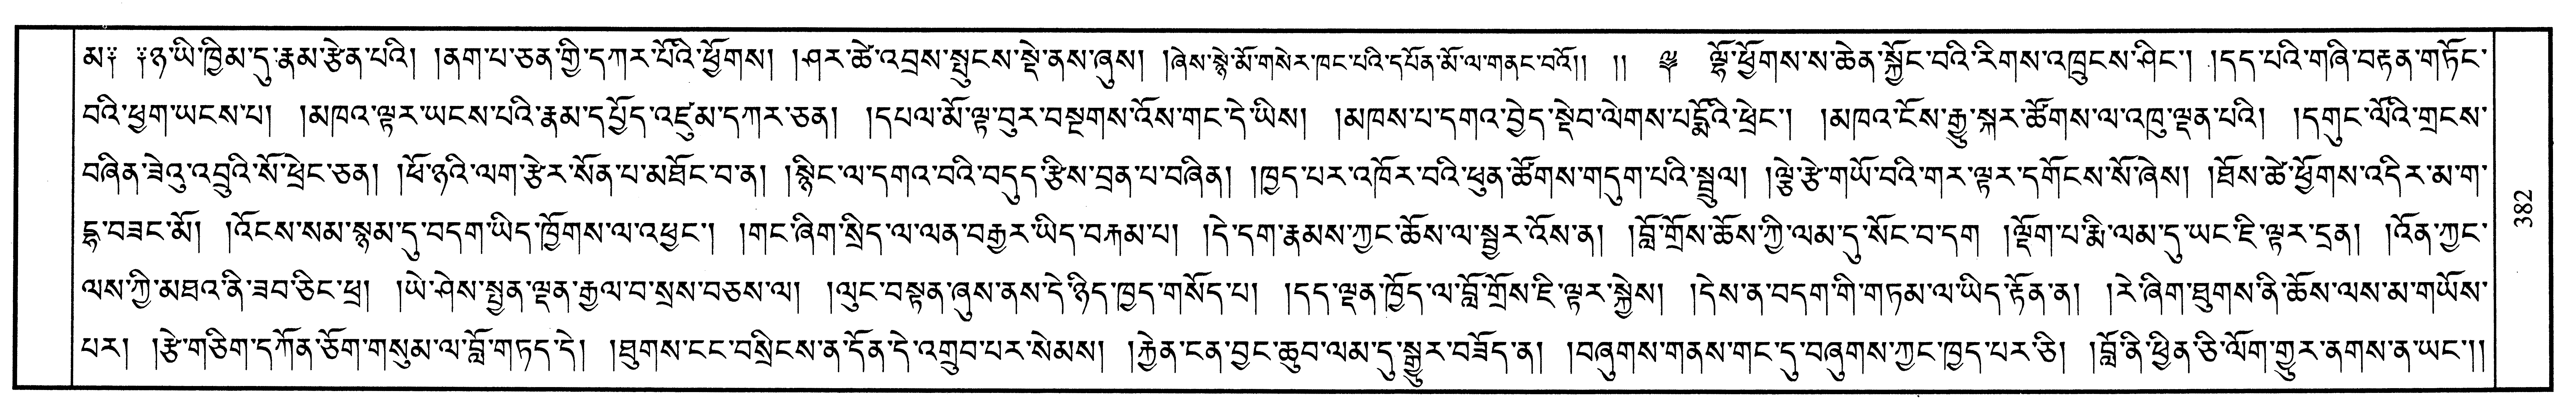མ༑ ༑ཉ་ཡི་ཁྱིམ་དུ་རྣམ་རྩེན་པའི། །ནག་པ་ཅན་གྱི་དཀར་པོའི་ཕྱོགས། །ཤར་ཚེ་འབྲས་སྤུངས་སྡེ་ནས་ཞུས། །ཞེས་སྙེ་མོ་གསེར་ཁང་པའི་དཔོན་མོ་ལ་གནང་བའོ།། །། ༈ ལྷོ་ཕྱོགས་ས་ཆེན་སྐྱོང་བའི་རིགས་འཁྲུངས་ཤིང་། །དད་པའི་གཞི་བརྟན་གཏོང་
བའི་ཕྱག་ཡངས་པ། །མཁའ་ལྟར་ཡངས་པའི་རྣམ་དཔྱོད་འཛུམ་དཀར་ཅན། །དཔལ་མོ་ལྟ་བུར་བསྔགས་འོས་གང་དེ་ཡིས། །མཁས་པ་དགའ་བྱེད་སྡེབ་ལེགས་པདམོའི་ཕྲེང་། །མཁའ་ངོས་རྒྱུ་སྐར་ཚོགས་ལ་འཁུ་ལྡན་པའི། །དགུང་ལོའི་གྲངས་
བཞིན་ཟེའུ་འབྲུའི་སོ་ཕྲེང་ཅན། །ཕོ་ཉའི་ལག་རྩེར་སོན་པ་མཐོང་བ་ན། །སྙིང་ལ་དགའ་བའི་བདུད་རྩིས་བྲན་པ་བཞིན། །ཁྱད་པར་འཁོར་བའི་ཕུན་ཚོགས་གདུག་པའི་སྦྲུལ། །ལྕེ་རྩེ་གཡོ་བའི་གར་ལྟར་དགོངས་སོ་ཞེས། །ཐོས་ཚེ་ཕྱོགས་འདིར་མ་ག་
དྷ་བཟང་མོ། །འོངས་སམ་སྙམ་དུ་བདག་ཡིད་ཁྱོགས་ལ་འཕྱང་། །གང་ཞིག་སྲིད་ལ་ལན་བརྒྱར་ཡིད་བརྐམ་པ། །དེ་དག་རྣམས་ཀྱང་ཆོས་ལ་སྦྱར་འོས་ན། །བློ་གྲོས་ཆོས་ཀྱི་ལམ་དུ་སོང་བ་དག །ལྡོག་པ་རྨི་ལམ་དུ་ཡང་ཇི་ལྟར་དྲན། །འོན་ཀྱང་
ལས་ཀྱི་མཐའ་ནི་ཟབ་ཅིང་ཕྲ། །ཡེ་ཤེས་སྤྱན་ལྡན་རྒྱལ་བ་སྲས་བཅས་ལ། །ལུང་བསྟན་ཞུས་ནས་དེ་ཉིད་ཁྱད་གསོད་པ། །དད་ལྡན་ཁྱོད་ལ་བློ་གྲོས་ཇི་ལྟར་སྐྱེས། །དེས་ན་བདག་གི་གཏམ་ལ་ཡིད་རྟོན་ན། །རེ་ཞིག་ཐུགས་ནི་ཆོས་ལས་མ་གཡོས་
པར། །རྩེ་གཅིག་དཀོན་ཅོག་གསུམ་ལ་བློ་གཏད་དེ། །ཐུགས་ངང་བསྲིངས་ན་དོན་དེ་འགྲུབ་པར་སེམས། །རྐྱེན་ངན་བྱང་ཆུབ་ལམ་དུ་སྒྱུར་བཟོད་ན། །བཞུགས་གནས་གང་དུ་བཞུགས་ཀྱང་ཁྱད་པར་ཅི། །བློ་ནི་ཕྱིན་ཅི་ལོག་གྱུར་ནགས་ན་ཡང།།